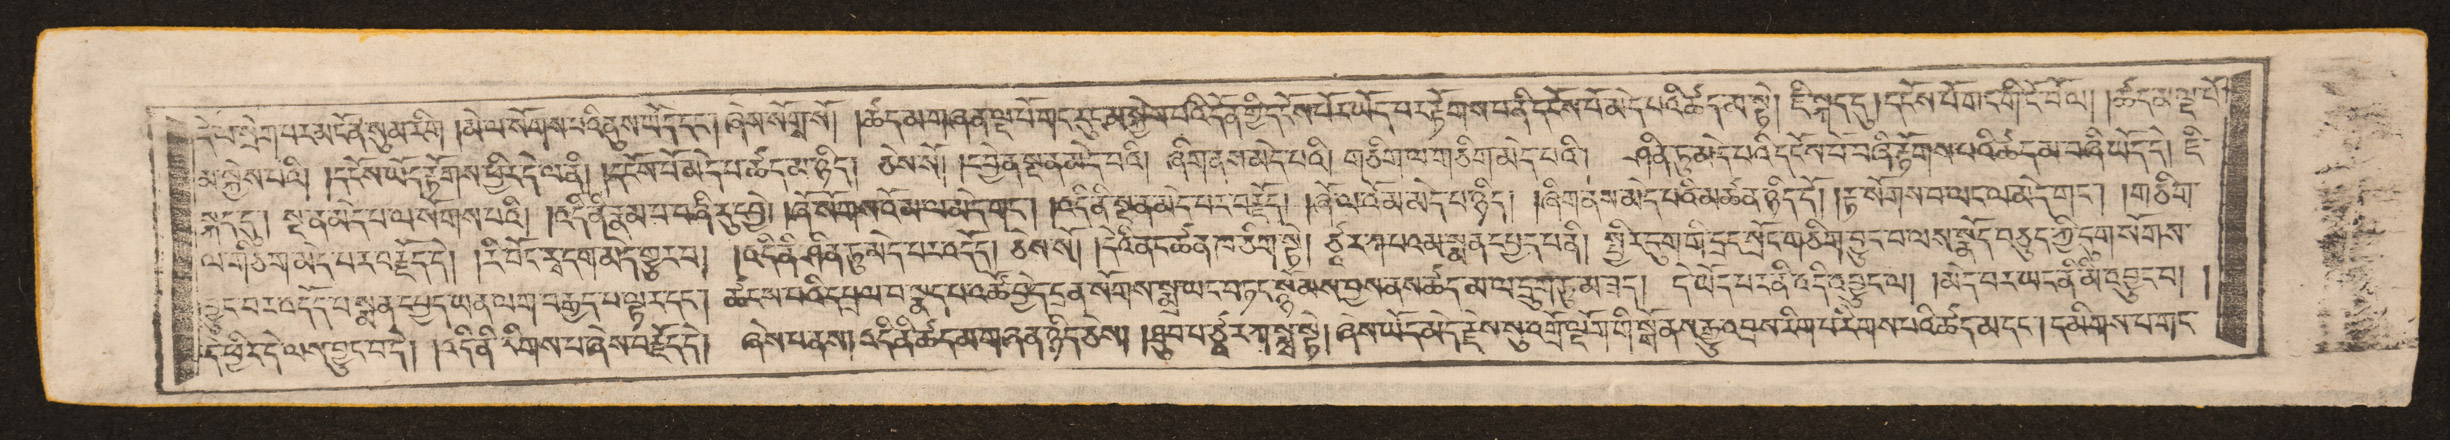དེ་ལ་སྲེག་པར་མངོན་སུམ་རིག །མེ་ལ་སོགས་པའི་ནུས་ཡེད་དང་། ཞེས་སོགས་སོ། །ཚད་མ་གཞན་ལྔ་པོ་གང་རུང་མ་སྐྱེས་པའི་དོན་གྱི་དངོས་པོར་ཡོད་པར་རྟོགས་པ་ནི་དངོས་པོ་མེད་པའི་ཚད་མ་སྟེ། ཇི་སྐད་དུ། དངོས་པོ་གང་གི་ངོ་བོ་ལ། །ཚད་མ་ལྔ་པོ་
མ་སྐྱེས་པའི། །དངོས་ཡོད་རྟོགས་ཕྱིར་དེ་ལ་ནི། །དངོས་པོ་མེད་པ་ཚད་མ་ཉིད། ཅེས་སོ། །དབྱེ་ན་སྔོན་མེད་པའི། ཞིག་ནས་མེད་པའི། གཅིག་ལ་གཅིག་མེད་པའི། །ཤིན་ཏུ་མེད་པའི་དངོས་པོ་བཞི་རྟོགས་པའི་ཚད་མ་བཞི་ཡོད་དེ། ཇི་
སྐད་དུ། སྔ་ན་མེད་པ་ལ་སོགས་པའི། །འདི་ནི་རྣམ་པ་བཞི་རུ་དབྱེ། །ཞོ་སོགས་འོ་མ་ལ་མེད་གང་། །འདི་ནི་སྔ་ན་མེད་པར་བརྗོད། །ཞོ་ལ་འོ་མ་མེད་པ་ཉིད། །ཞིག་ནས་མེད་པའི་མཚན་ཉིད་དོ། །རྟ་སོགས་པ་ལང་ལ་མེད་གང་། །གཅིག་
ལ་གཅིག་མེད་པར་བརྗོད་དེ། །རི་བོང་རྭ་དྲག་མེད་གྱུར་པ། །འདི་ནི་ཤིན་ཏུ་མེད་པར་འདོད། ཅེས་སོ། །འདིའི་ནང་ཚན་ཁ་ཅིག་སྟེ། ཙཱ་ར་ཀ་པའམ་སྨན་དཔྱད་པ་ནི། སྤྱིར་དུག་གི་དྲང་སྲོང་གཅིག་བྱུང་བ་ལས་སྣོད་བཅུད་ཀྱི་དུག་སོགས་
བྱུང་བར་འདོད་པ་སྨན་དཔྱད་ཡན་ལག་བརྒྱད་པ་ལྟར་དང་། ཚངས་པའི་དཔྲལ་བ་སྣད་པ་འཚོ་བྱེད་དྲན་སོགས་སྨྲ་ཡང་བཏང་སྙོམས་བྱས་ནས་ཚད་མ་ལ་དྲུག་ཏུ་མ་ཟད། དེ་ཡོད་པར་ནི་འདི་འབྱུང་ལ། །མེད་པར་ཡང་ནི་མི་འབྱུང་བ།།
དེ་ཕྱིར་དེ་ལས་བྱུང་བ་དེ། །འདི་ནི་རིགས་པ་ཞེས་བརྗོད་དེ། ཞེས་པ་ནས། འདི་ནི་ཚད་མ་གཞན་ཉིད་ཅེས། །ཐུབ་པ་ཙཱ་ར་ཀ་སྨྲ་སྟེ། ཞེས་ཡོད་མེད་རྗེས་སུ་འགྲོ་ལྡོག་གི་སྒོ་ནས་རྒྱུ་འབྲས་རིགས་པའི་ཚད་མ་དང་། དམིགས་པ་གང་